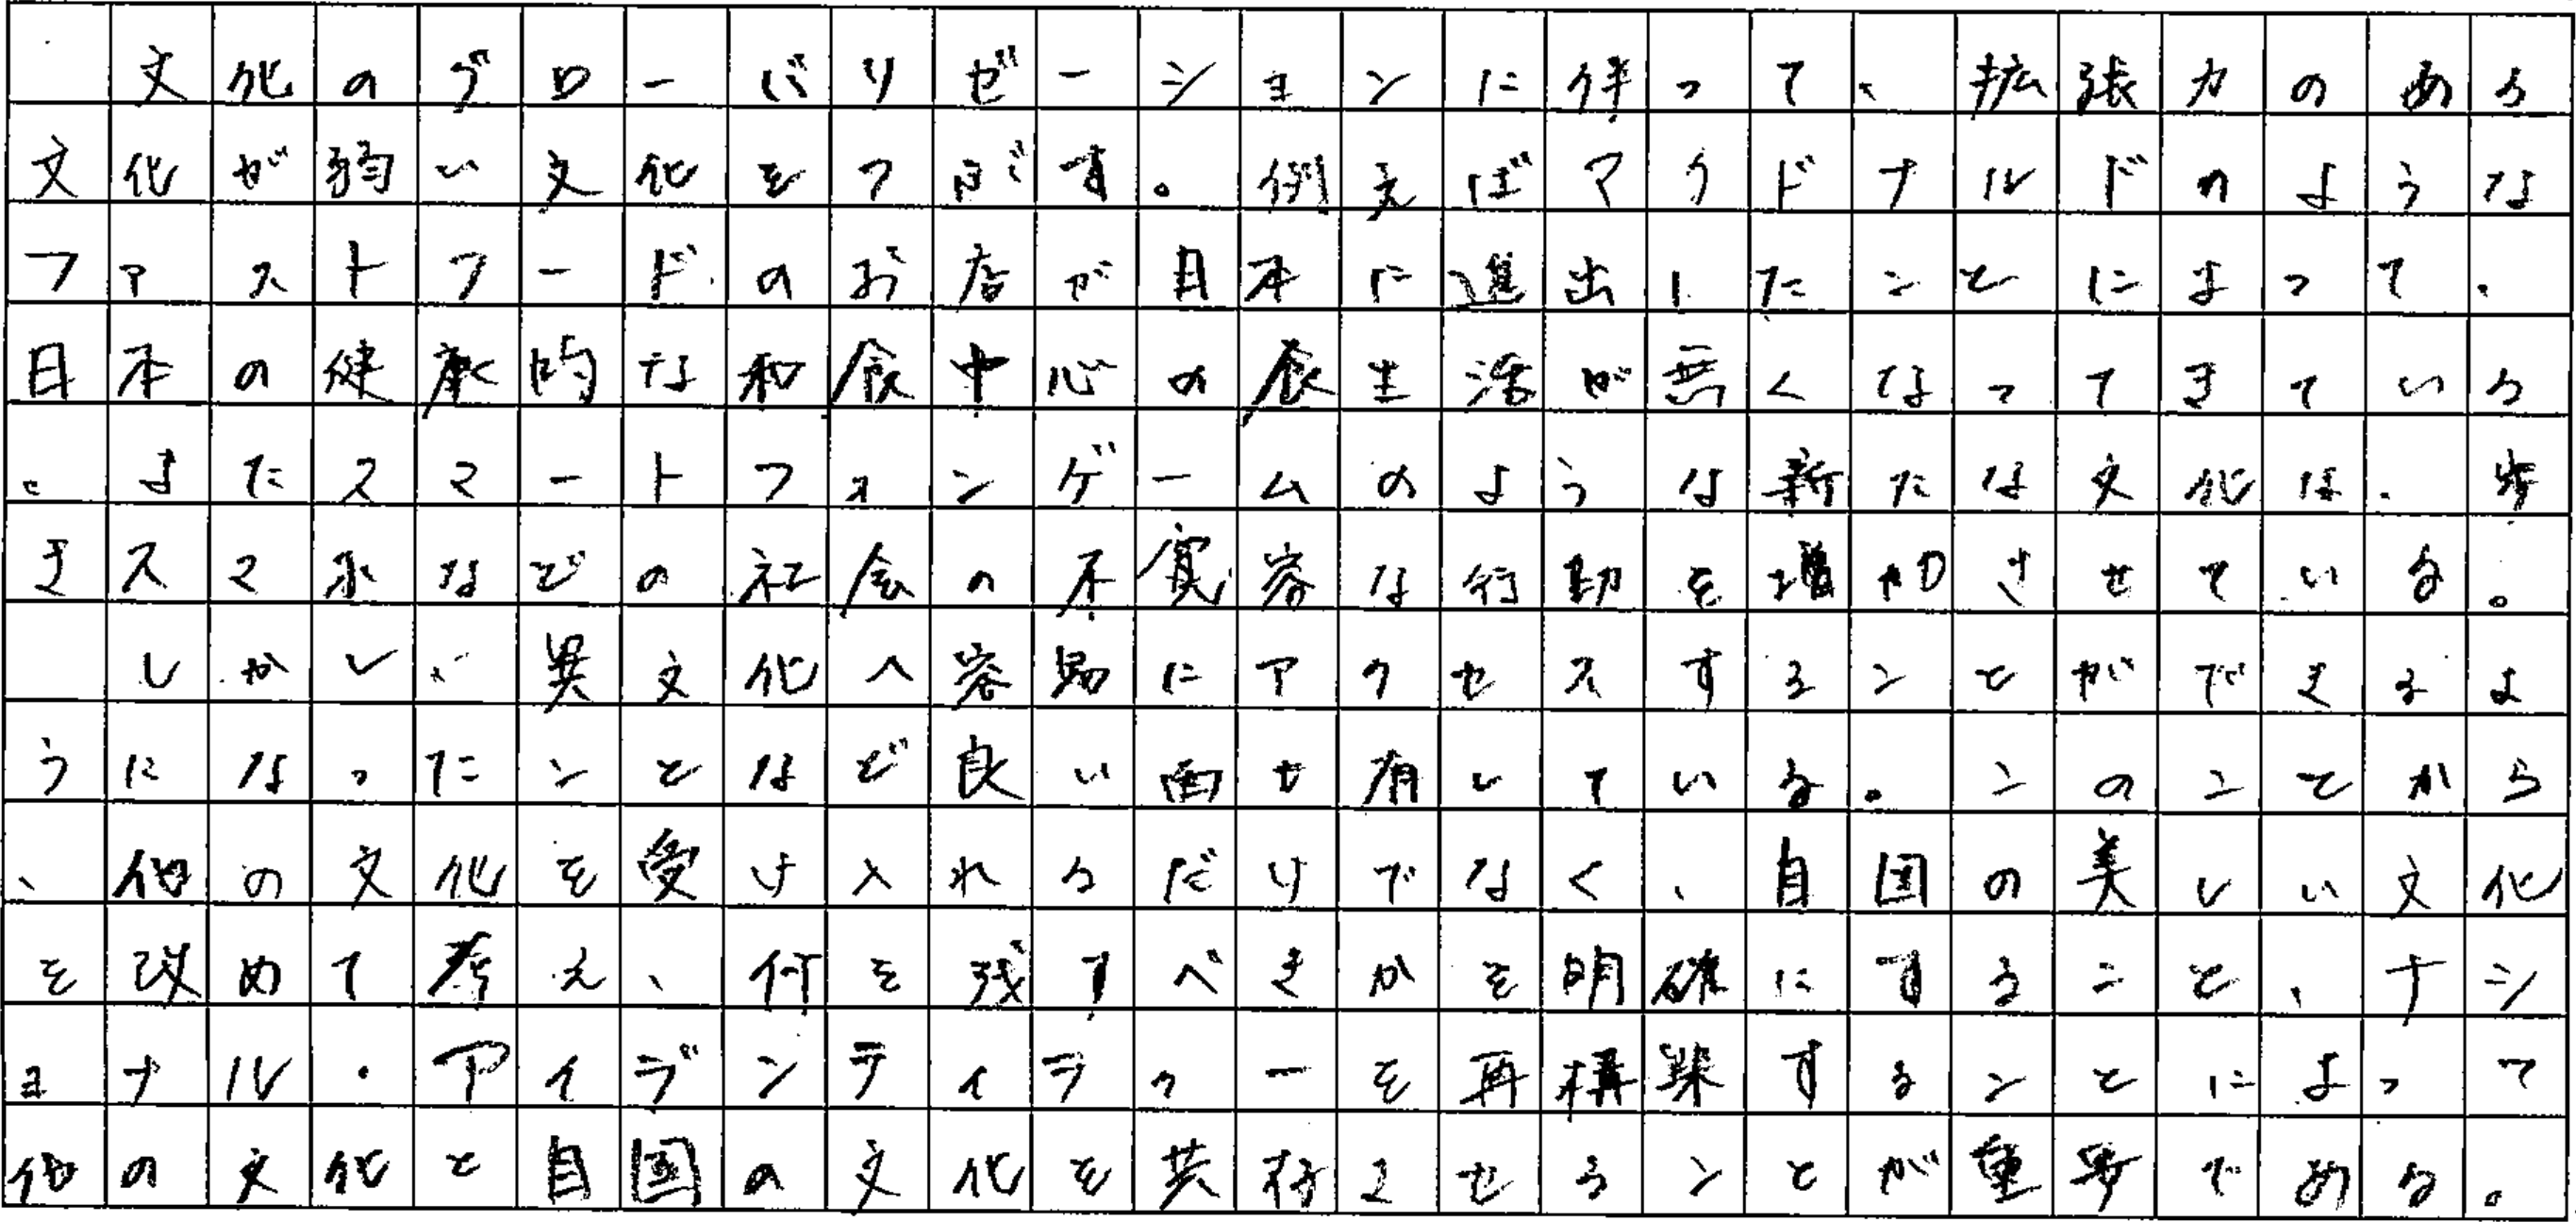　文化のグローバリゼーションに伴って、拡張力のある文化が弱い文化をつぶす。例えばマクドナルドのようなファストフードのお店が日本に進出したことによって、日本の健康的な和食中心の食生活が無くなってきている。またスマートフォンゲームのような新たな文化は、歩きスマホなどの社会の不寛容な行動を増加させている。
　しかし、異文化へ容易にアクセスすることができるようになったことなど良い面も有している。このことから、他の文化を受け入れるだけでなく、自国の美しい文化を改めて考え、何を残すべきかを明確にすること、ナショナル・アイデンティティーを再構築することによって他の文化と自国の文化を共存させることが重要である。
